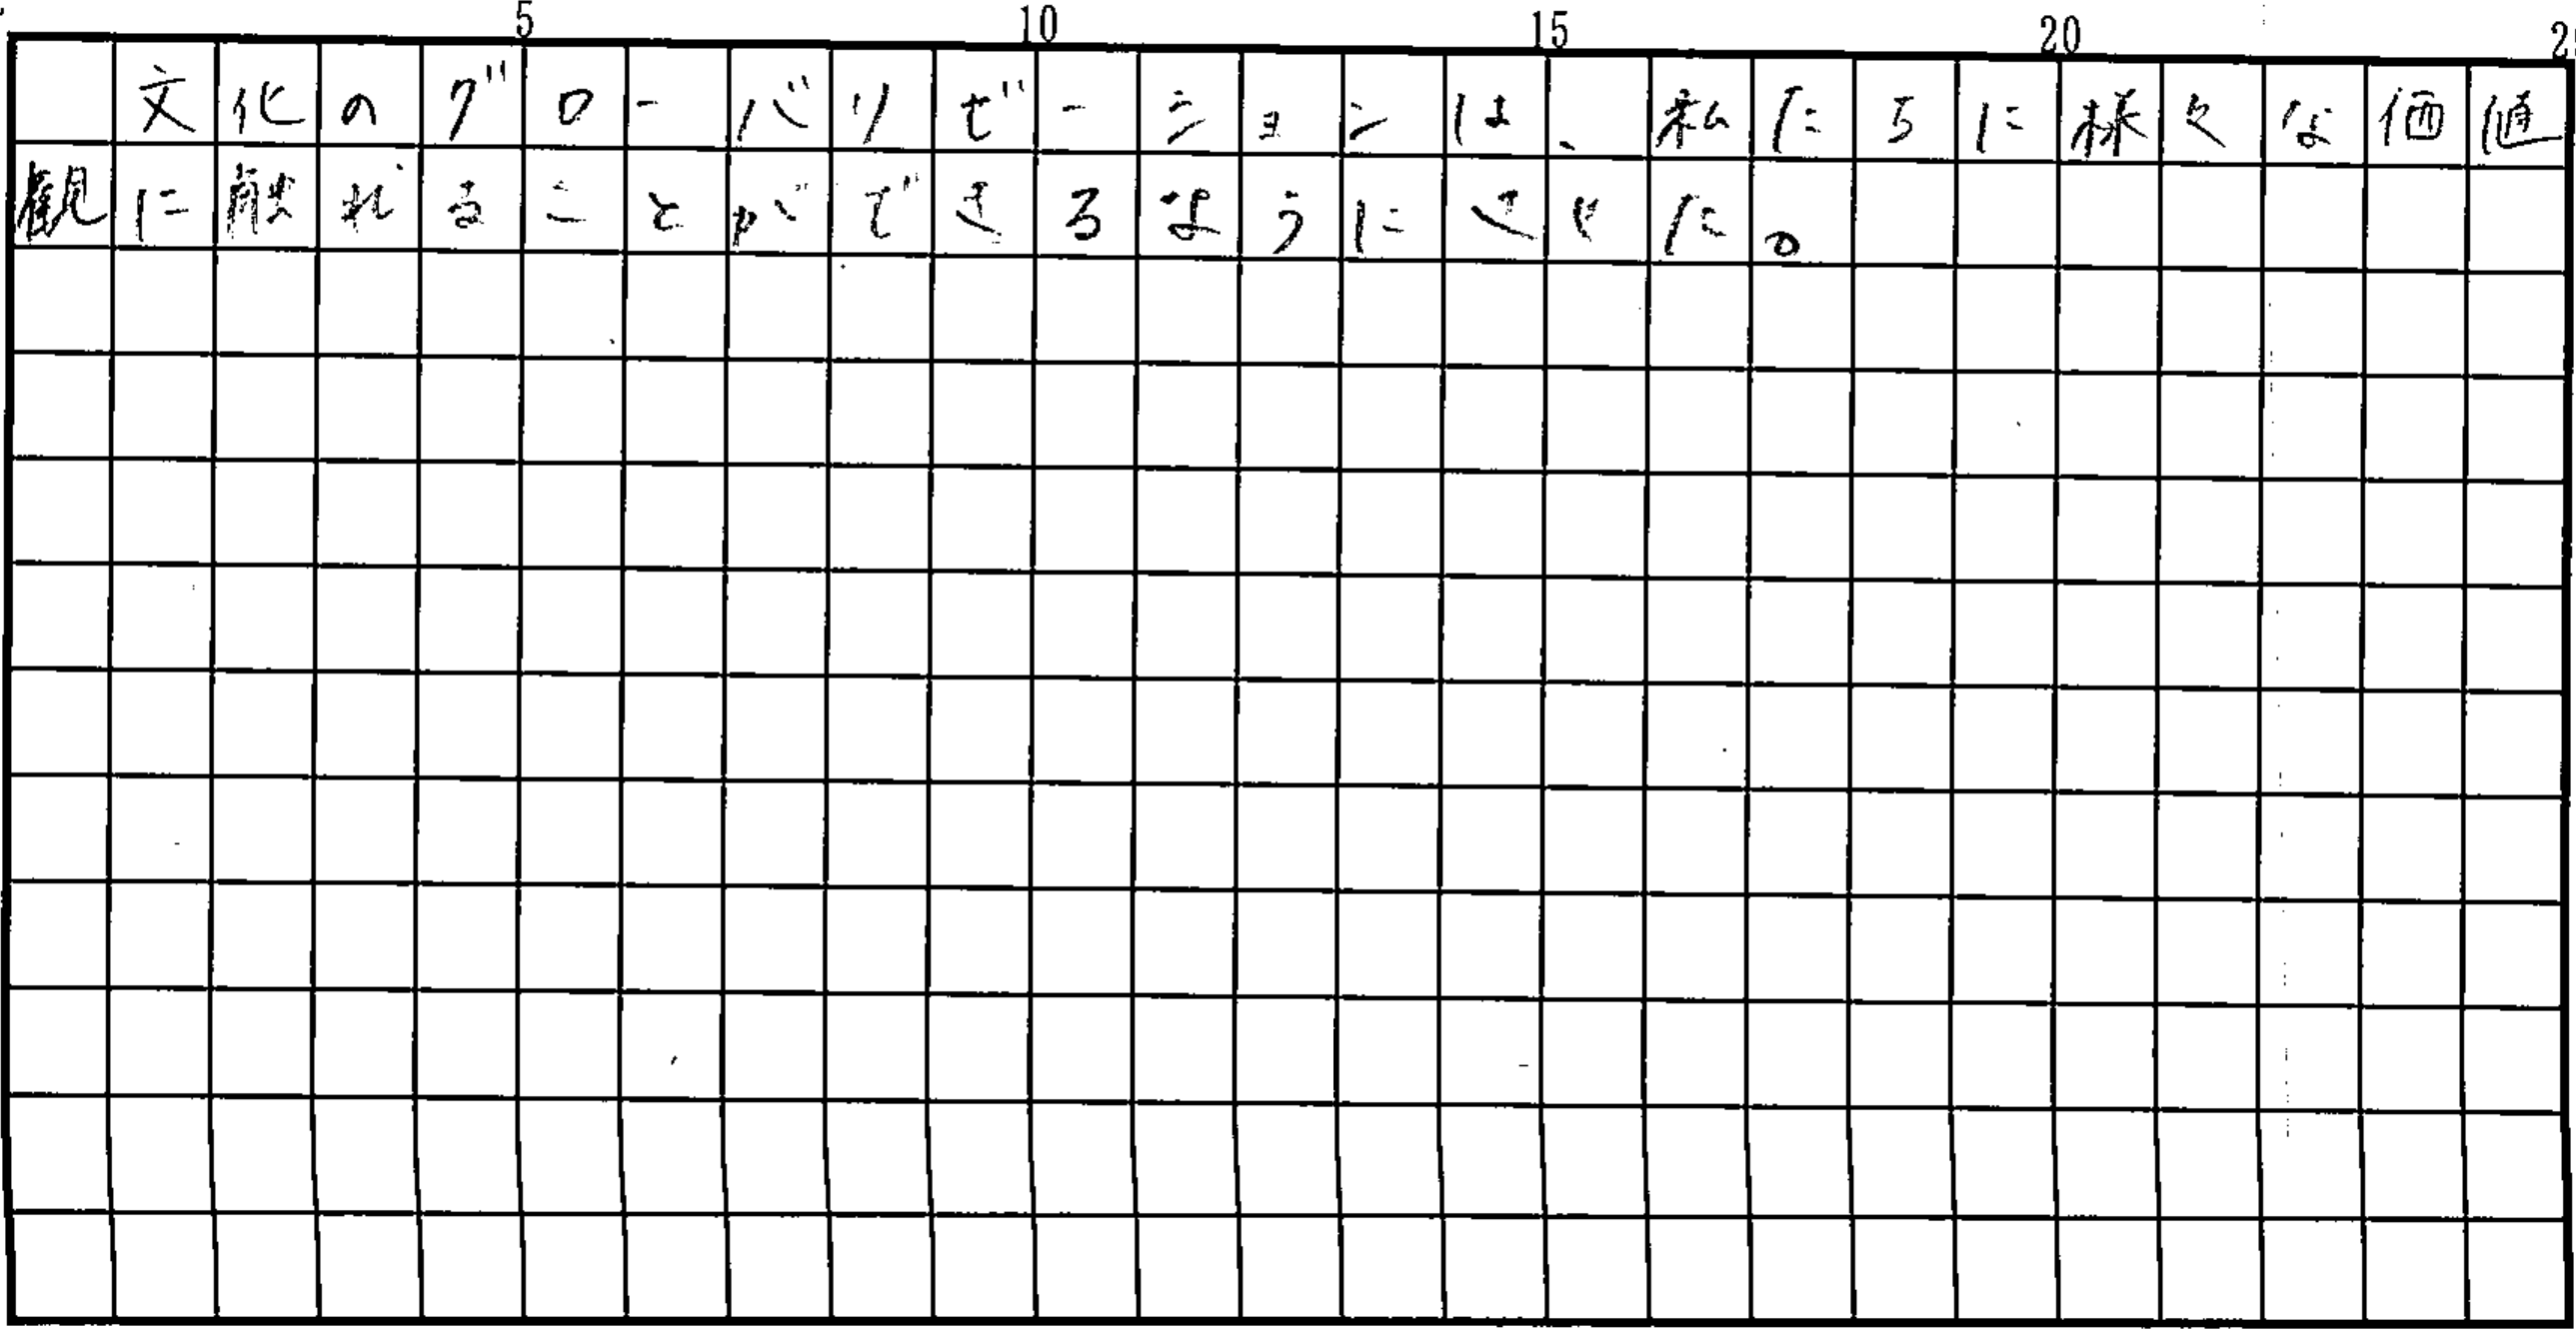　文化のグローバリゼーションは、私たちに様々な価値観に触れることができるようにさせた。
